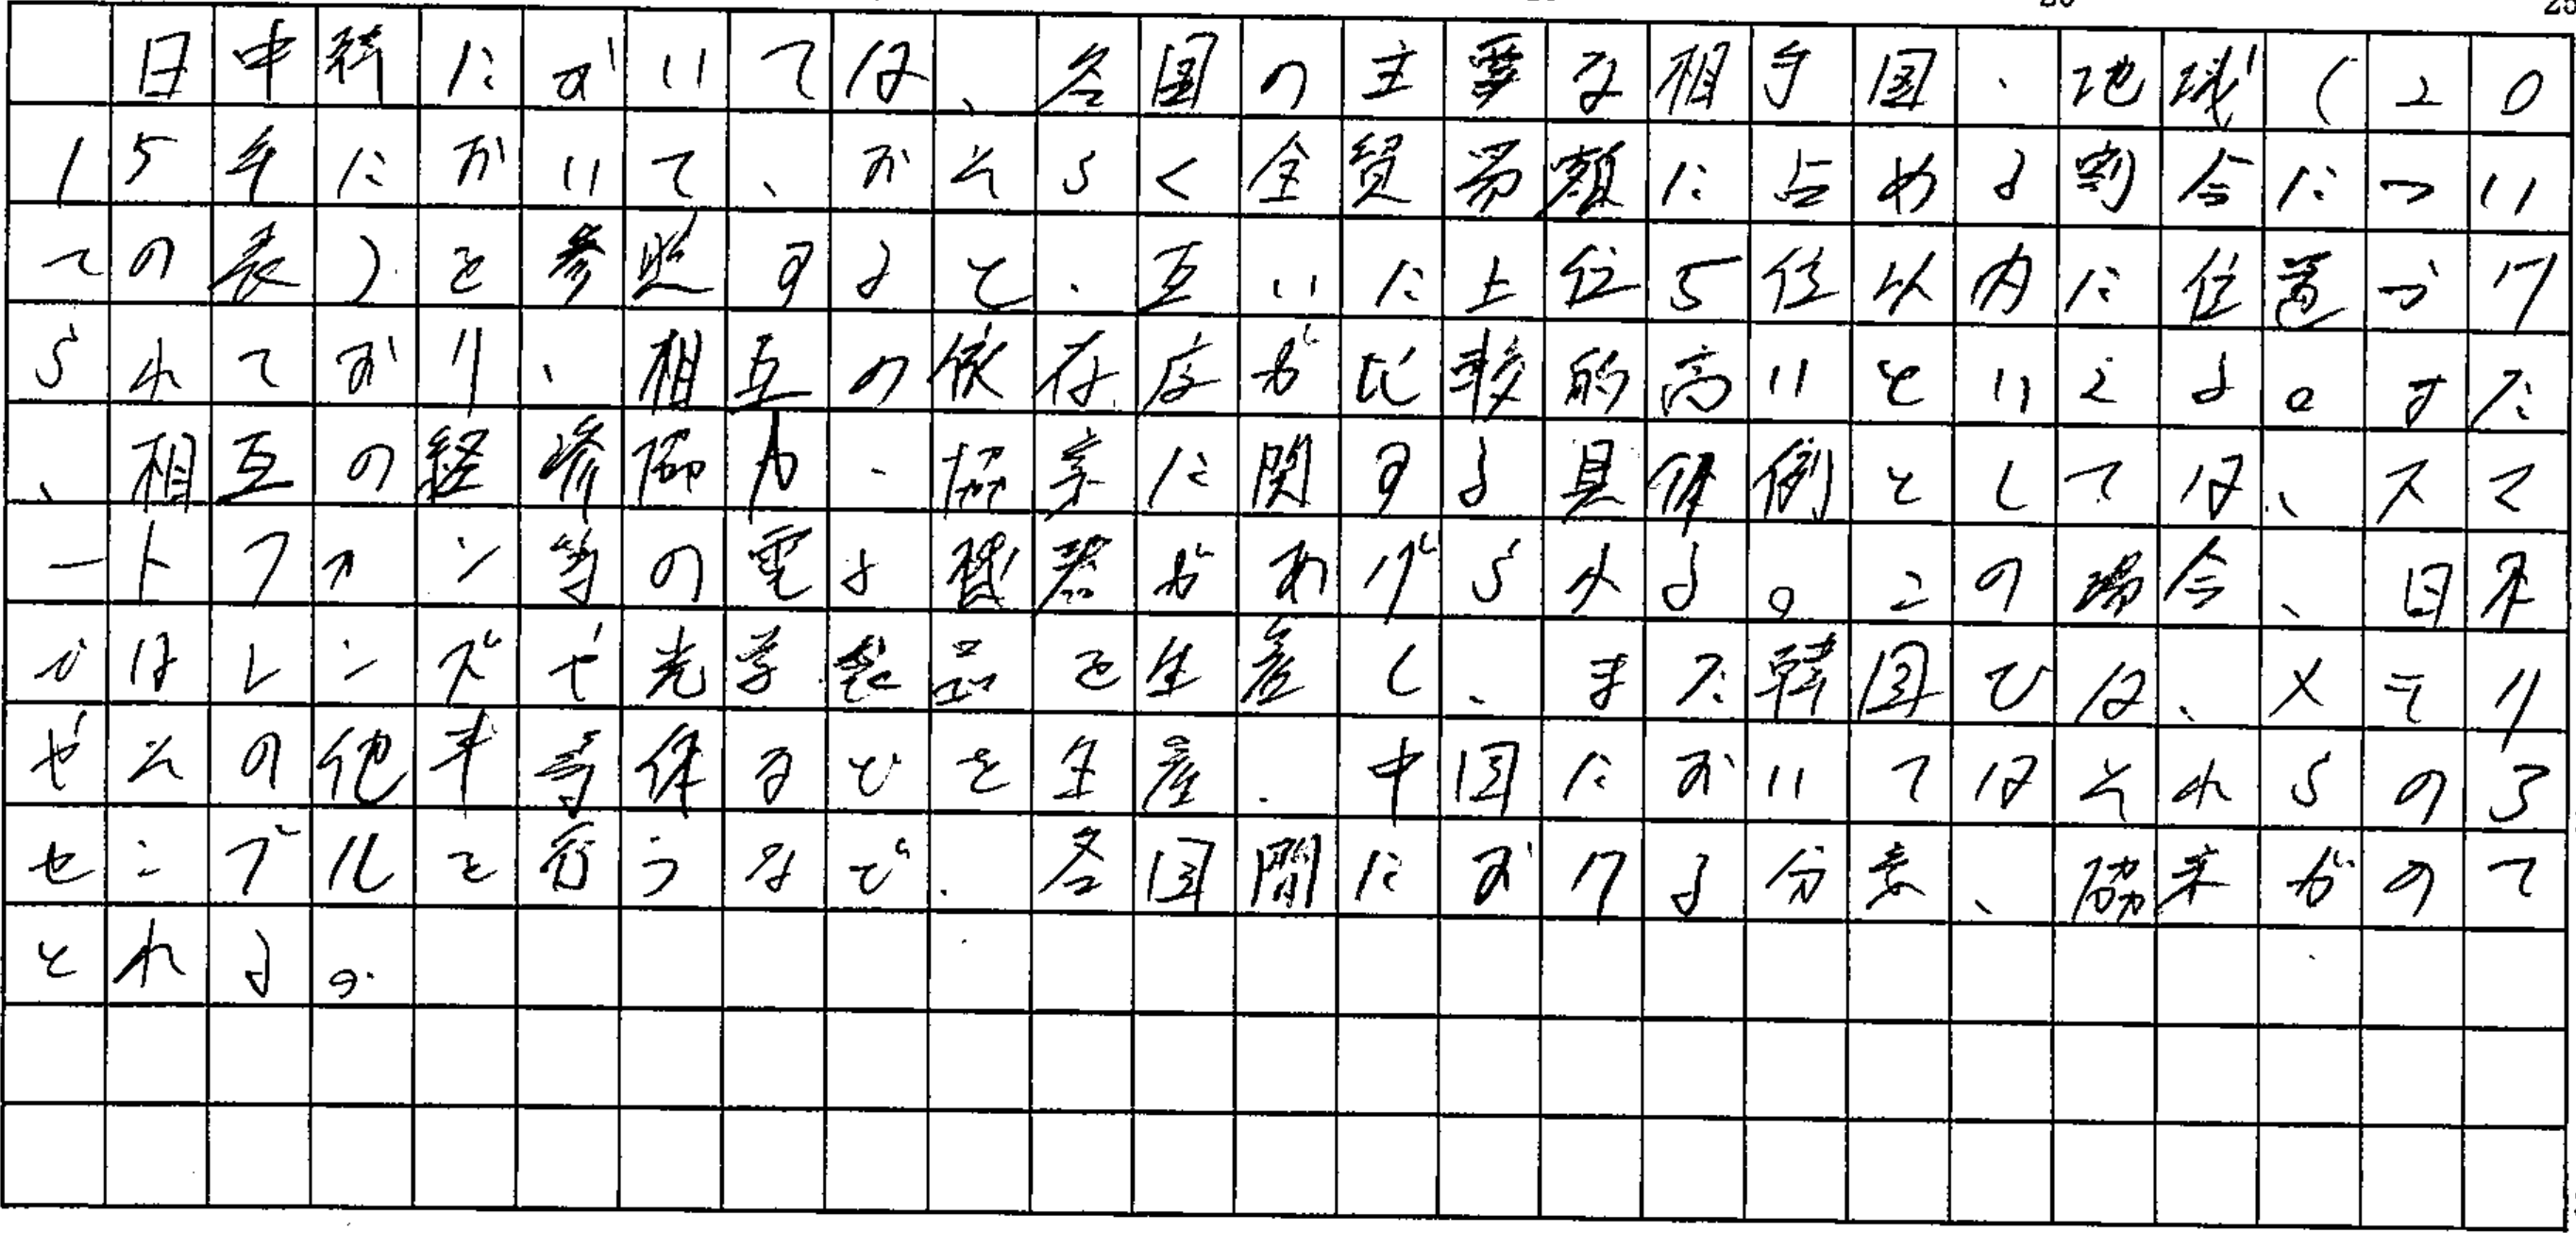　日中韓においては、各国の主要な相手国・地域（２０１５年において、おそらく全貿易額に占める割合についての表）を参照すると、互いに上位５位以内に位置づけられており、相互の依存▁が比較的高いといえる。▁た、相互の経済協力・協▁に関する具体例としては、スマートフォン等の電子機器があげられる。この場今、日本ではレンズや光学製品を生産し、また韓国では、メモリやその他半導体などを生産、中国においてはそれらのアセンブルを行うなど、各国間における分▁、協▁がみてとれる。
